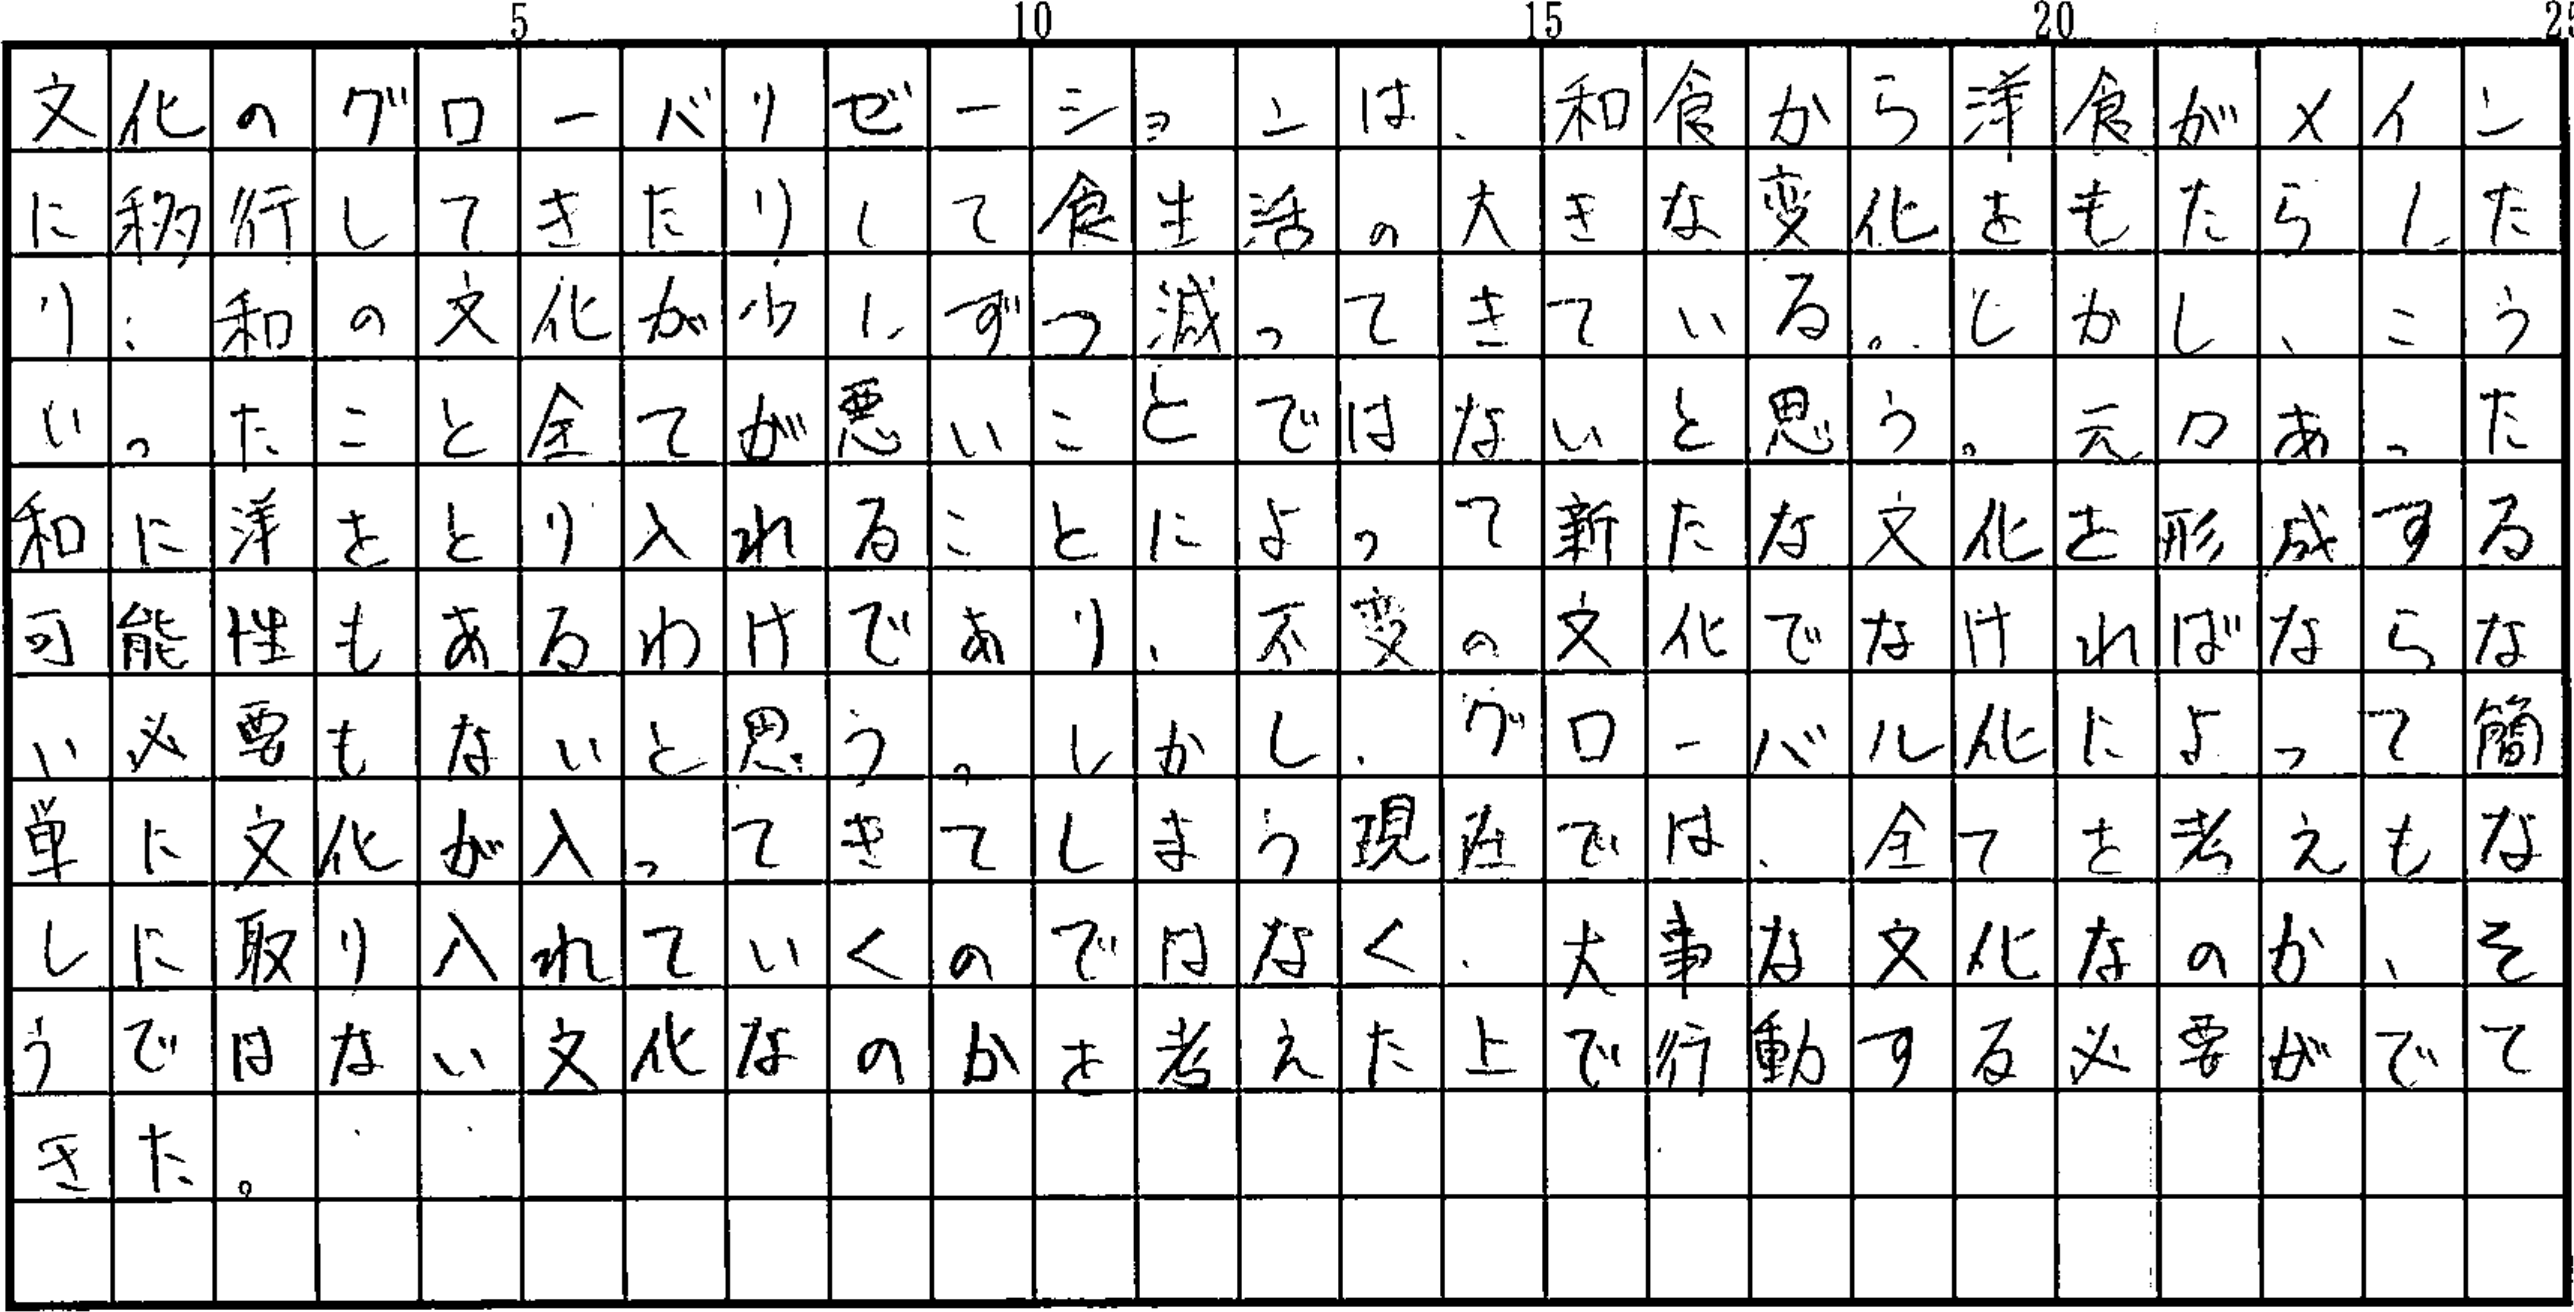文化のグローバリゼーションは、和食から洋食がメインに移行してきたりして食生活の大きな変化をもたらしたり、和の文化が少しずつ減ってきている。しかし、こういったこと全てが悪いことではないと思う。元々あった和に洋をとり入れることによって新たな文化を形成する可能性もあるわけであり、不変の文化でなければならない必要もないと思う。しかしグローバル化によって簡単に文化が入ってきてしまう現在では、全てを考えもなしに取り入れていくのではなく、大事な文化なのか、そうではない文化なのかを考えた上で行動する必要がでてきた。
